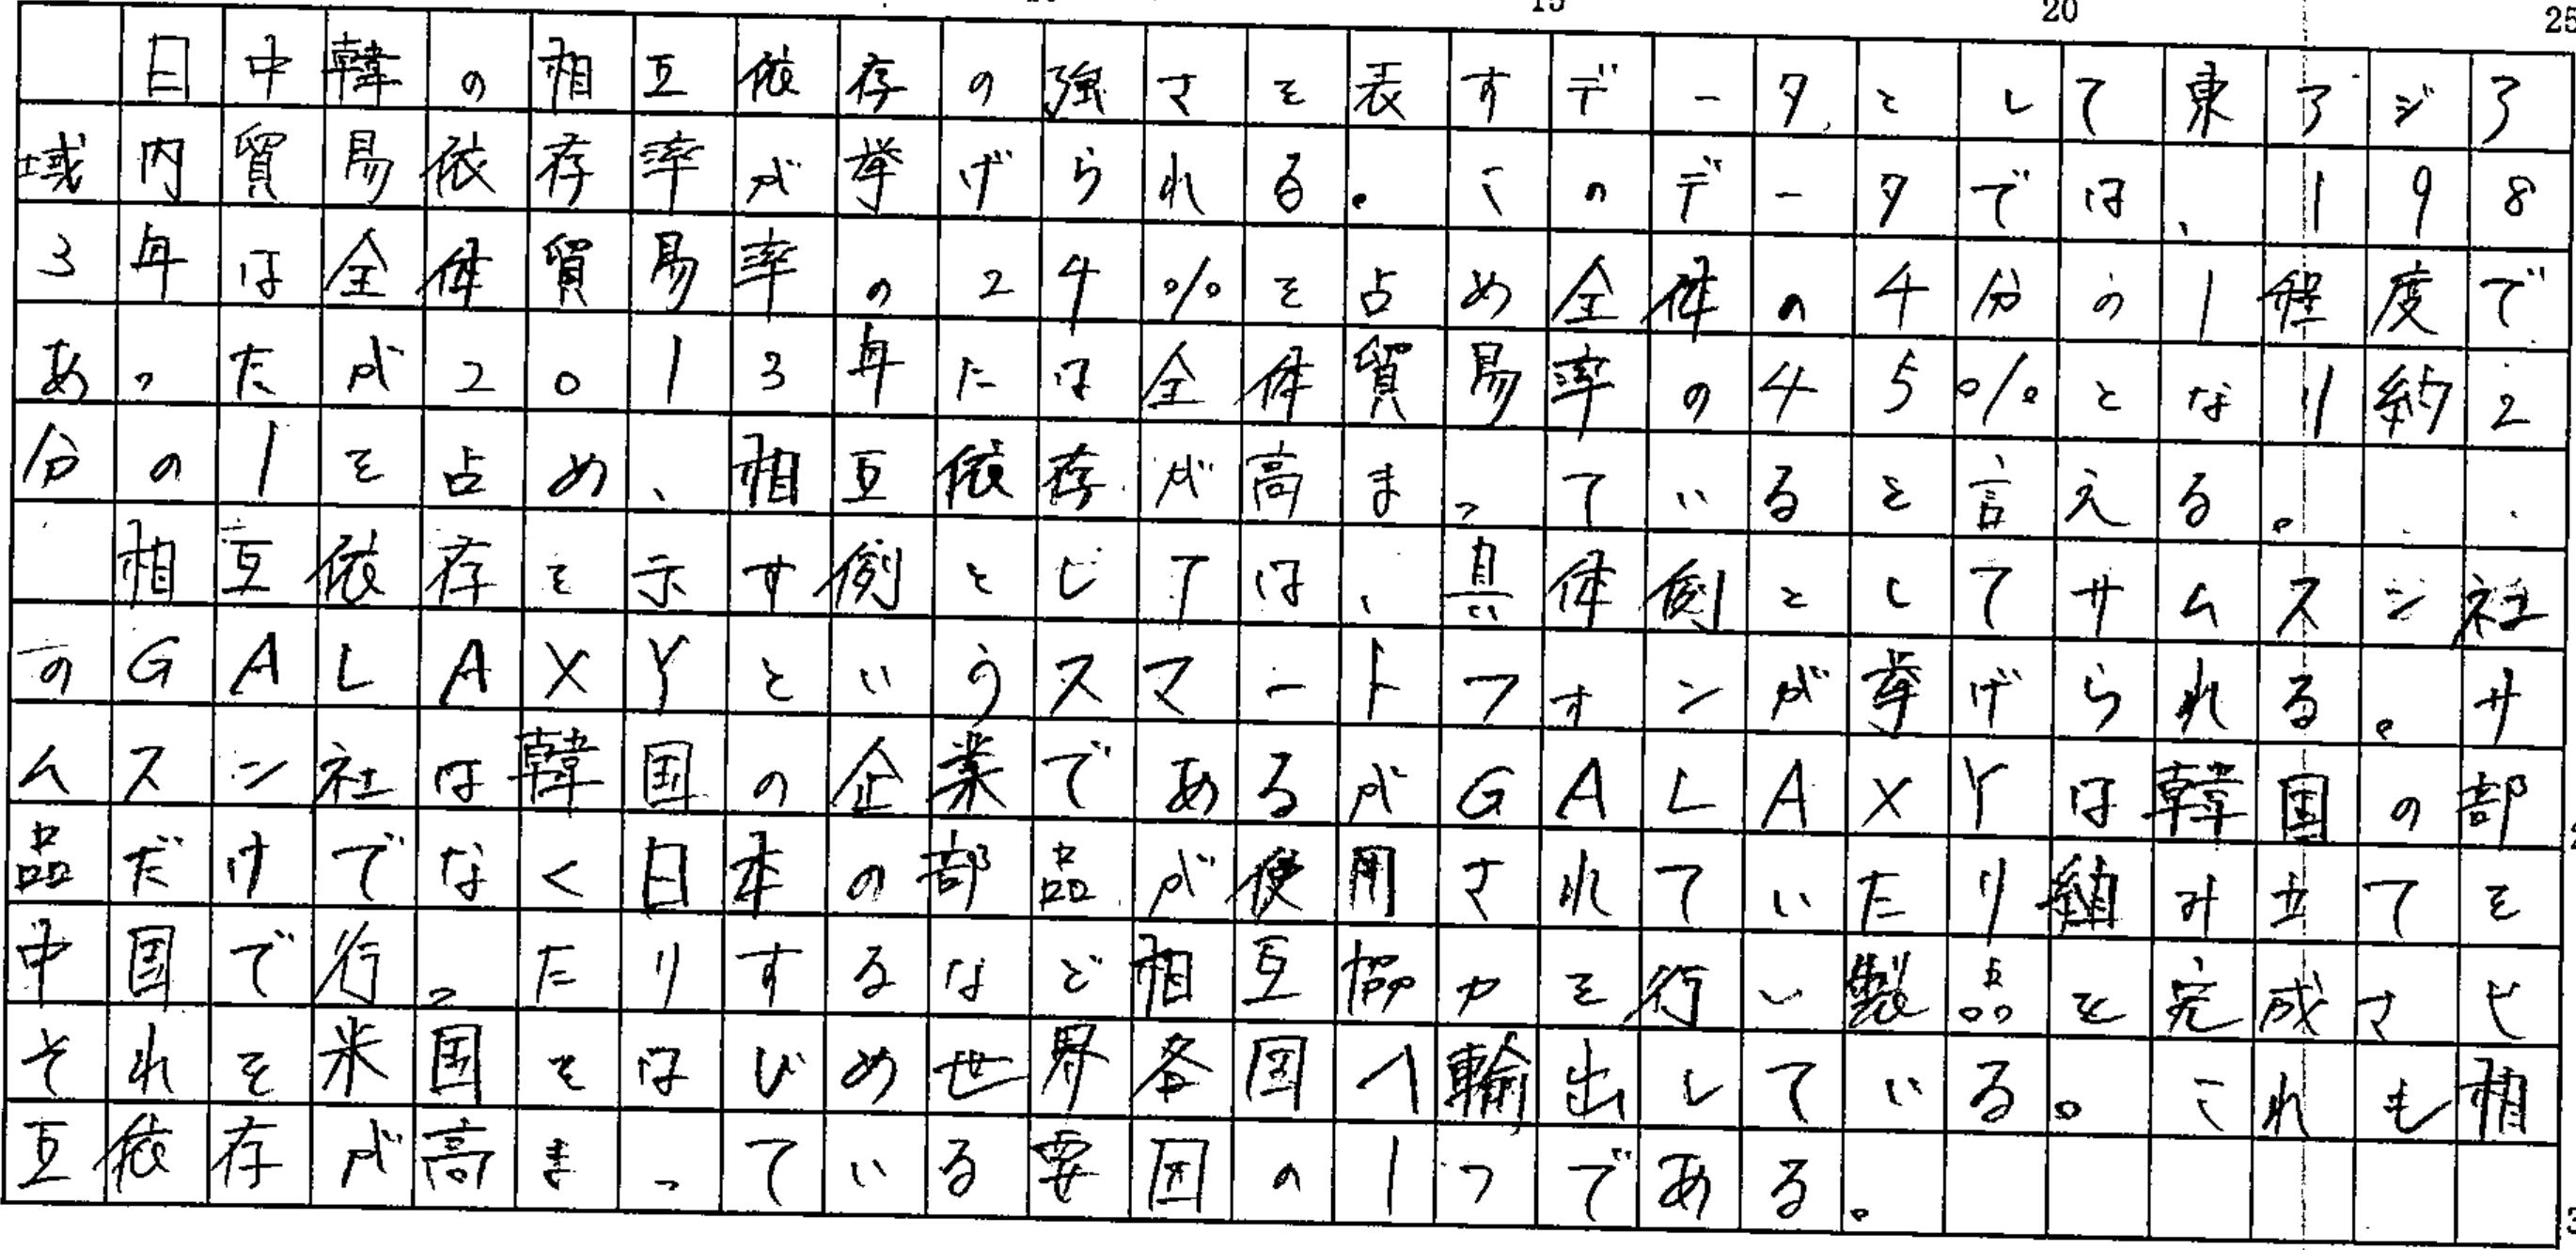　日中韓の相互依存の強さを表すデータとして東アジア域内貿易依存率が挙げられる。このデータでは、１９８３年は全体貿易率の２４％を占め全体の４分の１程度であったが２０１３年には全体貿易率の４５％となり約２分の１を占め、相互依存が高まっていると言える。
　相互依存を示す例としては、具体例としてサムスン社のＧＡＬＡＸＹというスマートフォンが挙げられる。サムスン社は韓国の企業であるがＧＡＬＡＸＹは韓国の部品だけでなく日本の部品が使用されていたり組み立てを中国で行ったりするなど相互協力を行い製品を完成させそれを米国をはじめ世界各国へ輸出している。これも相互依存が高まっている要因の１つである。
